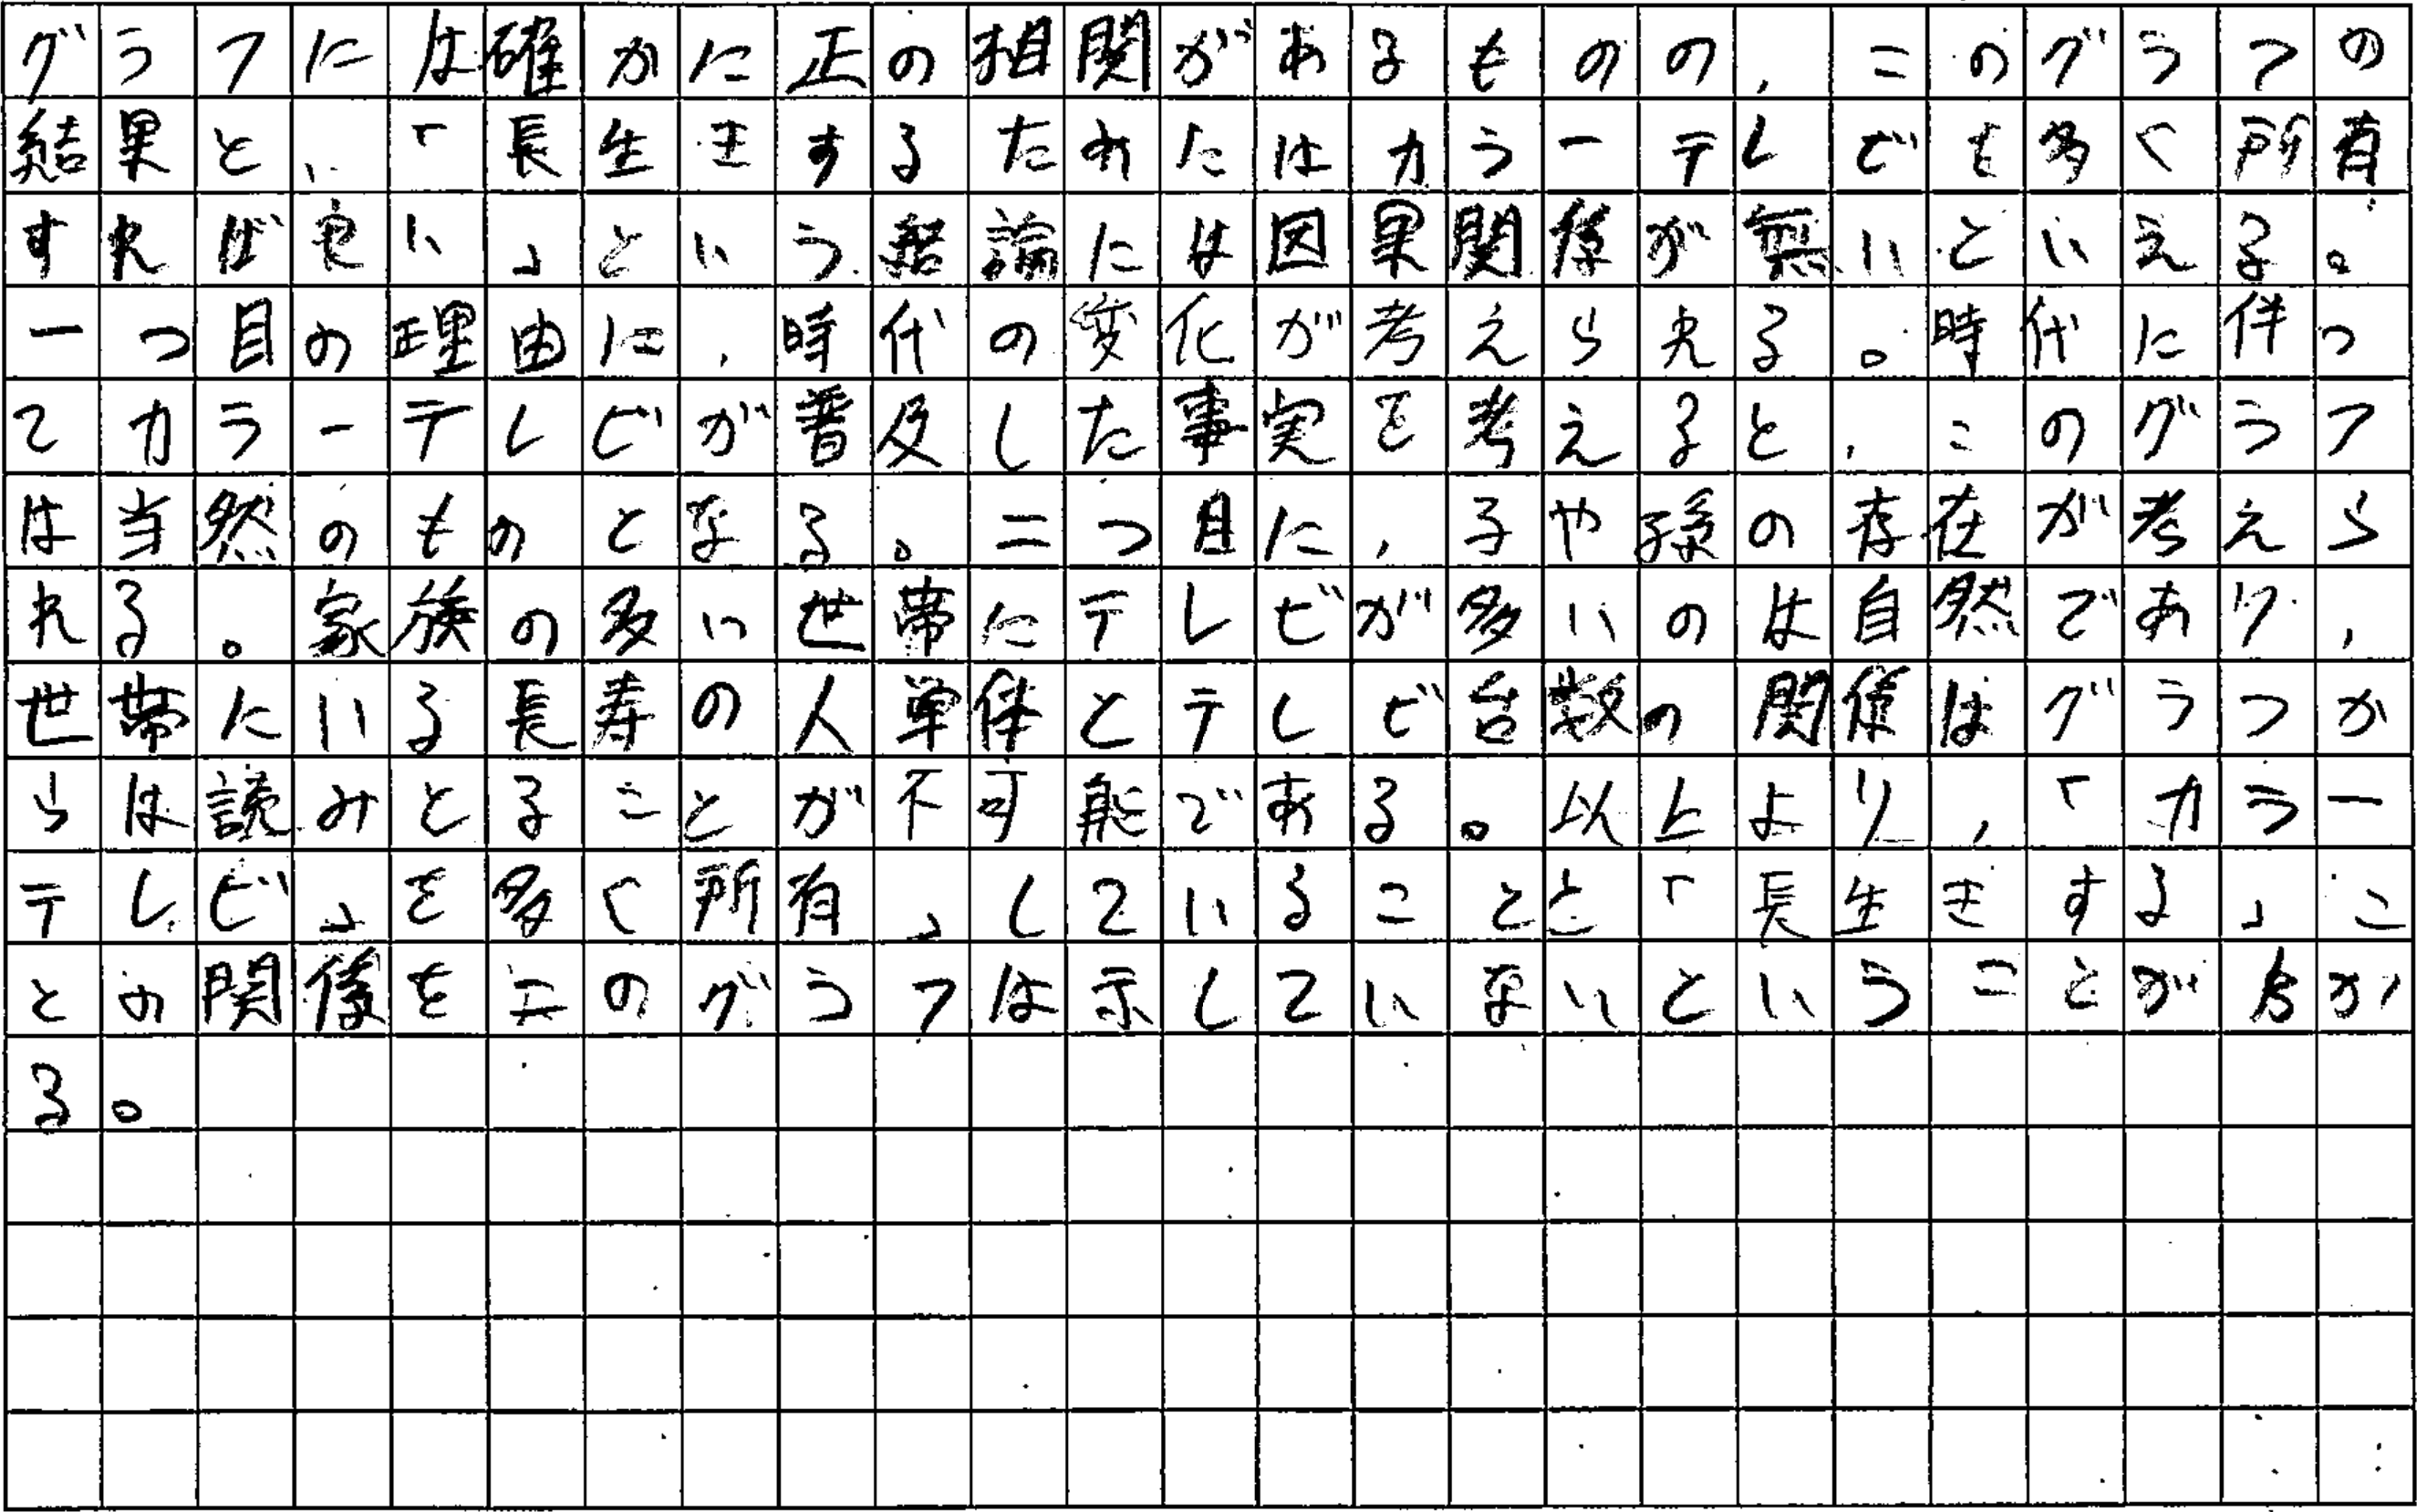グラフには確かに正の相関があるものの，このグラフの結果と、「長生きするためにはカラーテレビを多く所有すれば良い」という結論には因果関係が無いといえる。一つ目の理由に、時代の変化が考えられる。時代に伴ってカラーテレビが普及した事実を考えると、このグラフは当然のものとなる。二つ目に，子や孫の存在が考えられる。家族の多い世帯にテレビが多いのは自然であり、世帯にいる長寿の人単体とテレビ台数の関係はグラフからは読みとることが不可能である。以上より、「カラーテレビ」を多く所有」していることと「長生きする」ことの関係をこのグラフは示していないということがわかる。
